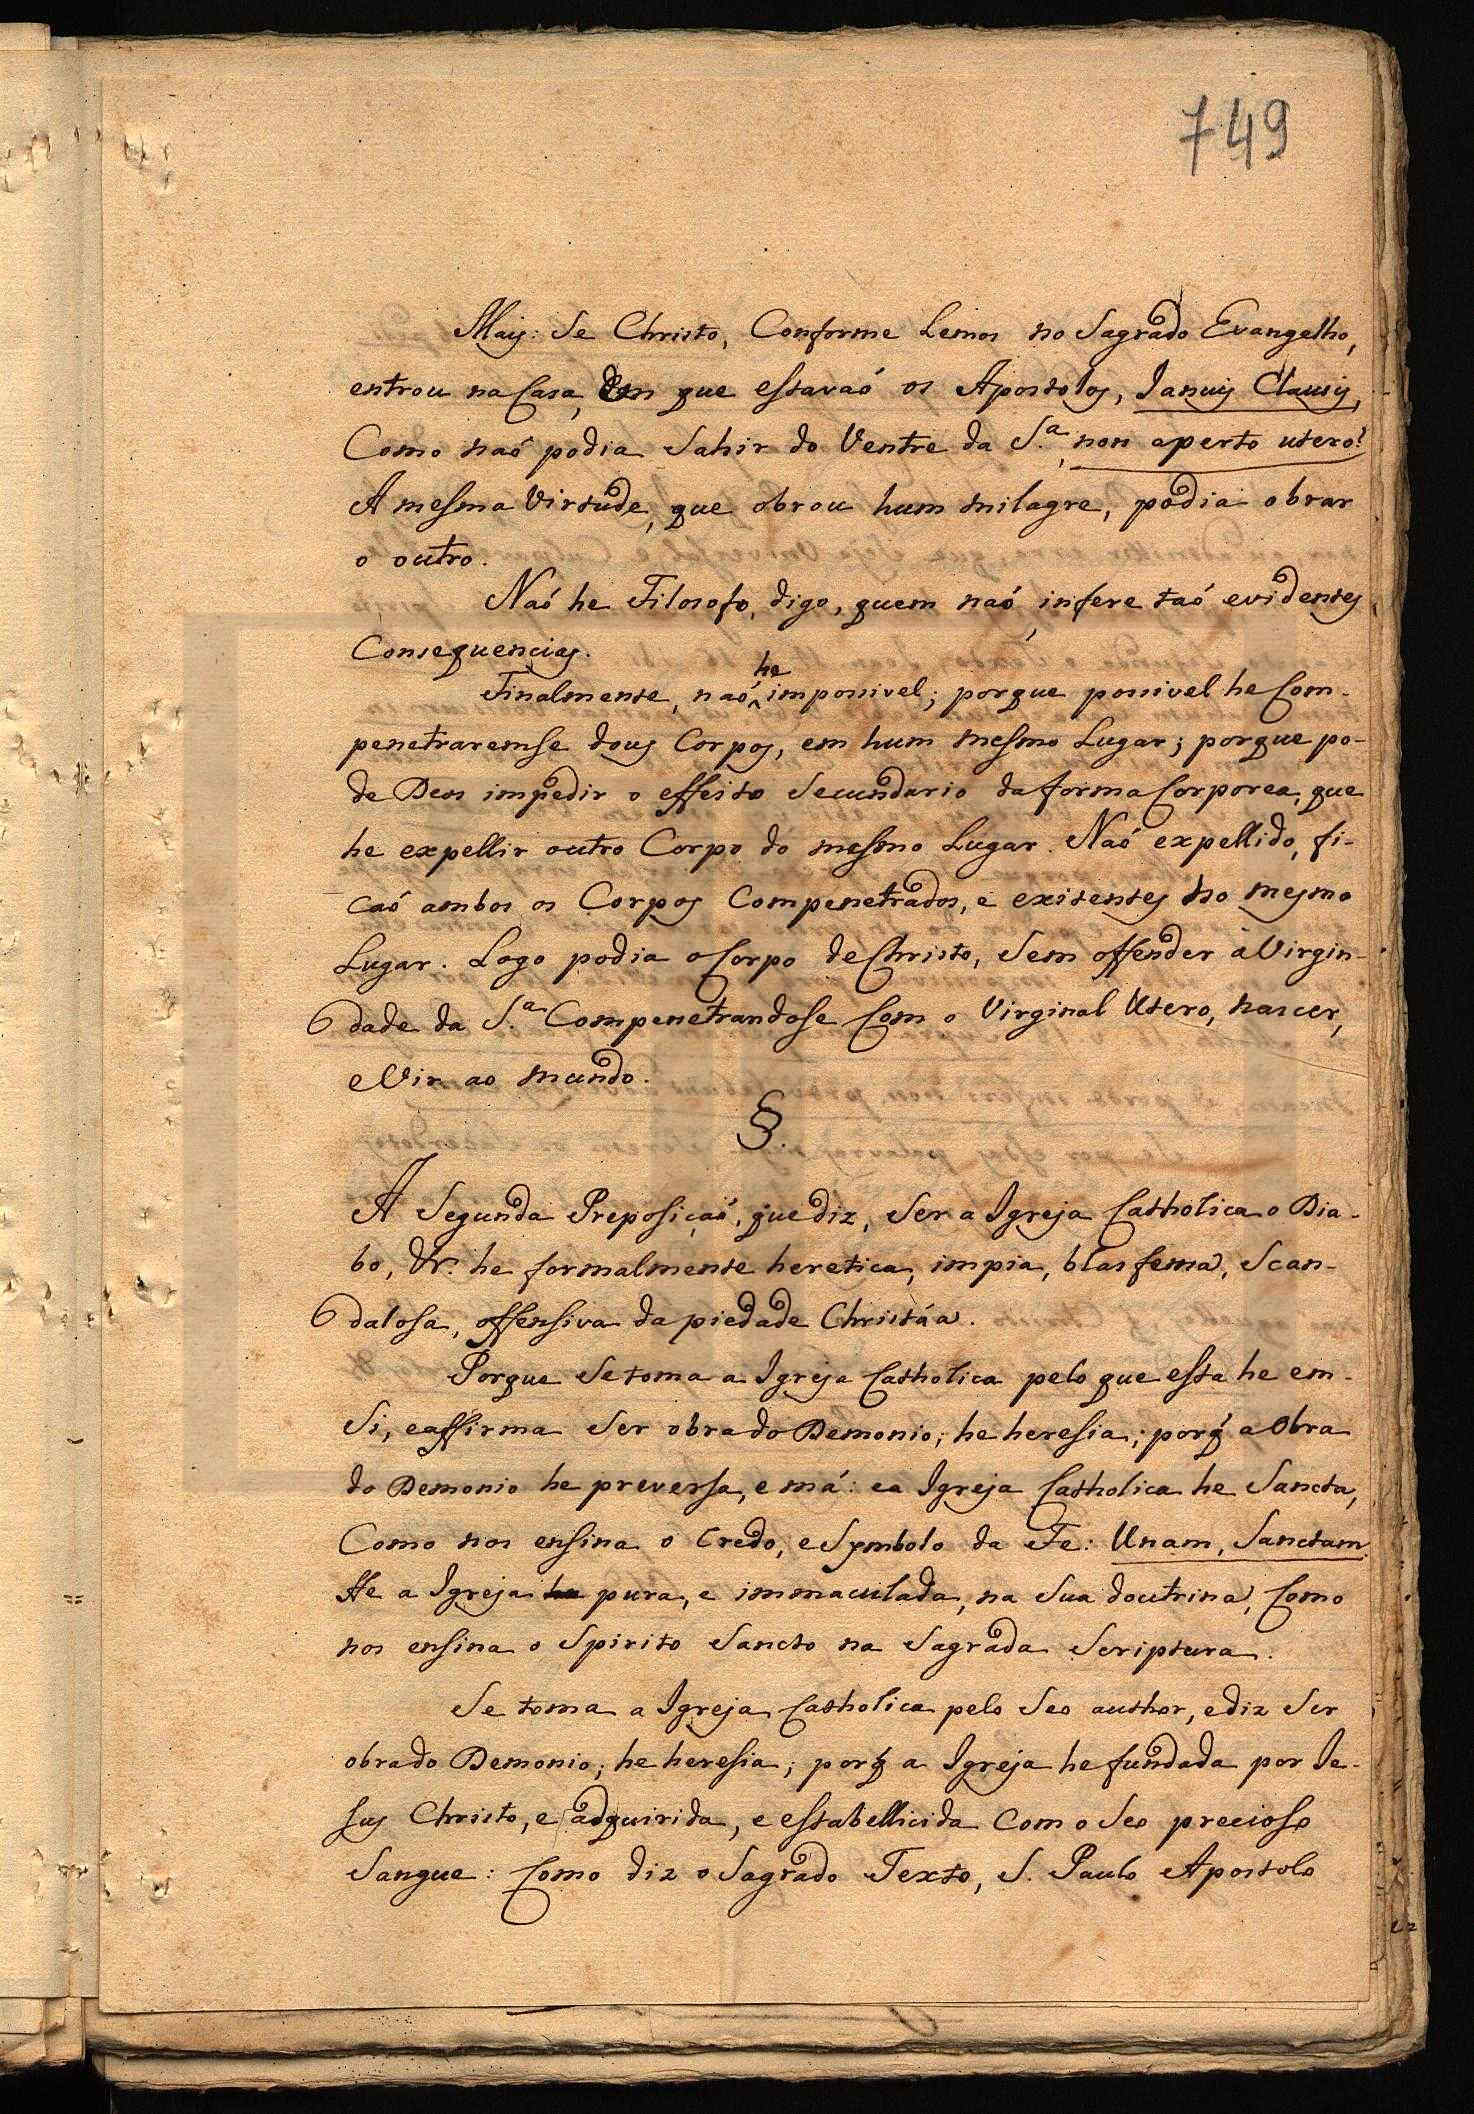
Mais se Christo, Conforme Lemos no Sagrado Evangelho,
entrou na Casa, e que estavaõ os Apostolos, Ianuis Clausis,
Como naõ podia sahir do Ventre da S.a, nom aperto utero?
A mesma Virtude, que obrou hum milagre, podiaõ obrar
o outro.
Naõ he Filosofo, digo, quem naõ infere taõ evidentes
Consequencias.
he
Finalmente, naõ impossivel; porque possivel he Com
penetraremse dous corpos, em hum mesmo Lugar, porque po
de Deos impedir o effeito secundario da forma Corporea, que
he expellir outro Corpo do mesmo Lugar Naõ expellido, fi
caõ ambos os Corpos Compenetrados, e exitentes no mesmo
Lugar. Logo podia o Corpo de Christo, sem offender a Virgin
dade da S.a Compensetrandose Com o Virginal Utero, nascer,
e Vir ao mundo
§.
A Segunda Preposiçaõ, que diz, ser a Igreja Catholica o Dia
bo, &r. he formalmente heretica, impia, blasfema, scan
dalosa; offensiva da piedade Christãa.
Porque se toma a Igreja Catholica pelo que esta he em
Si, e affirma ser obra do Demonio, he heresia; porq̄ a obra
do Demonio he prevarsa, e má e a Igreja Catholica he Sancta,
Como nos ensina o credo, e Symbolo da Fé: Unam, Sanctam,
He a Igreja he pura, e immaculada, na sua doutrina, Como
nos ensina o Spirito Sancto na Sagrada Scriptura.
Se torna a Igreja Catholica pelo Seo author, e diz ser
obra do Demonio, he heresia, porq̄ a Igreja he fundada por Ie
sus Christo, e adquirida, e estabellicida com o seo precioso
Sangue. Como diz o Sagrado Texto, S. Paulo Apostolo
